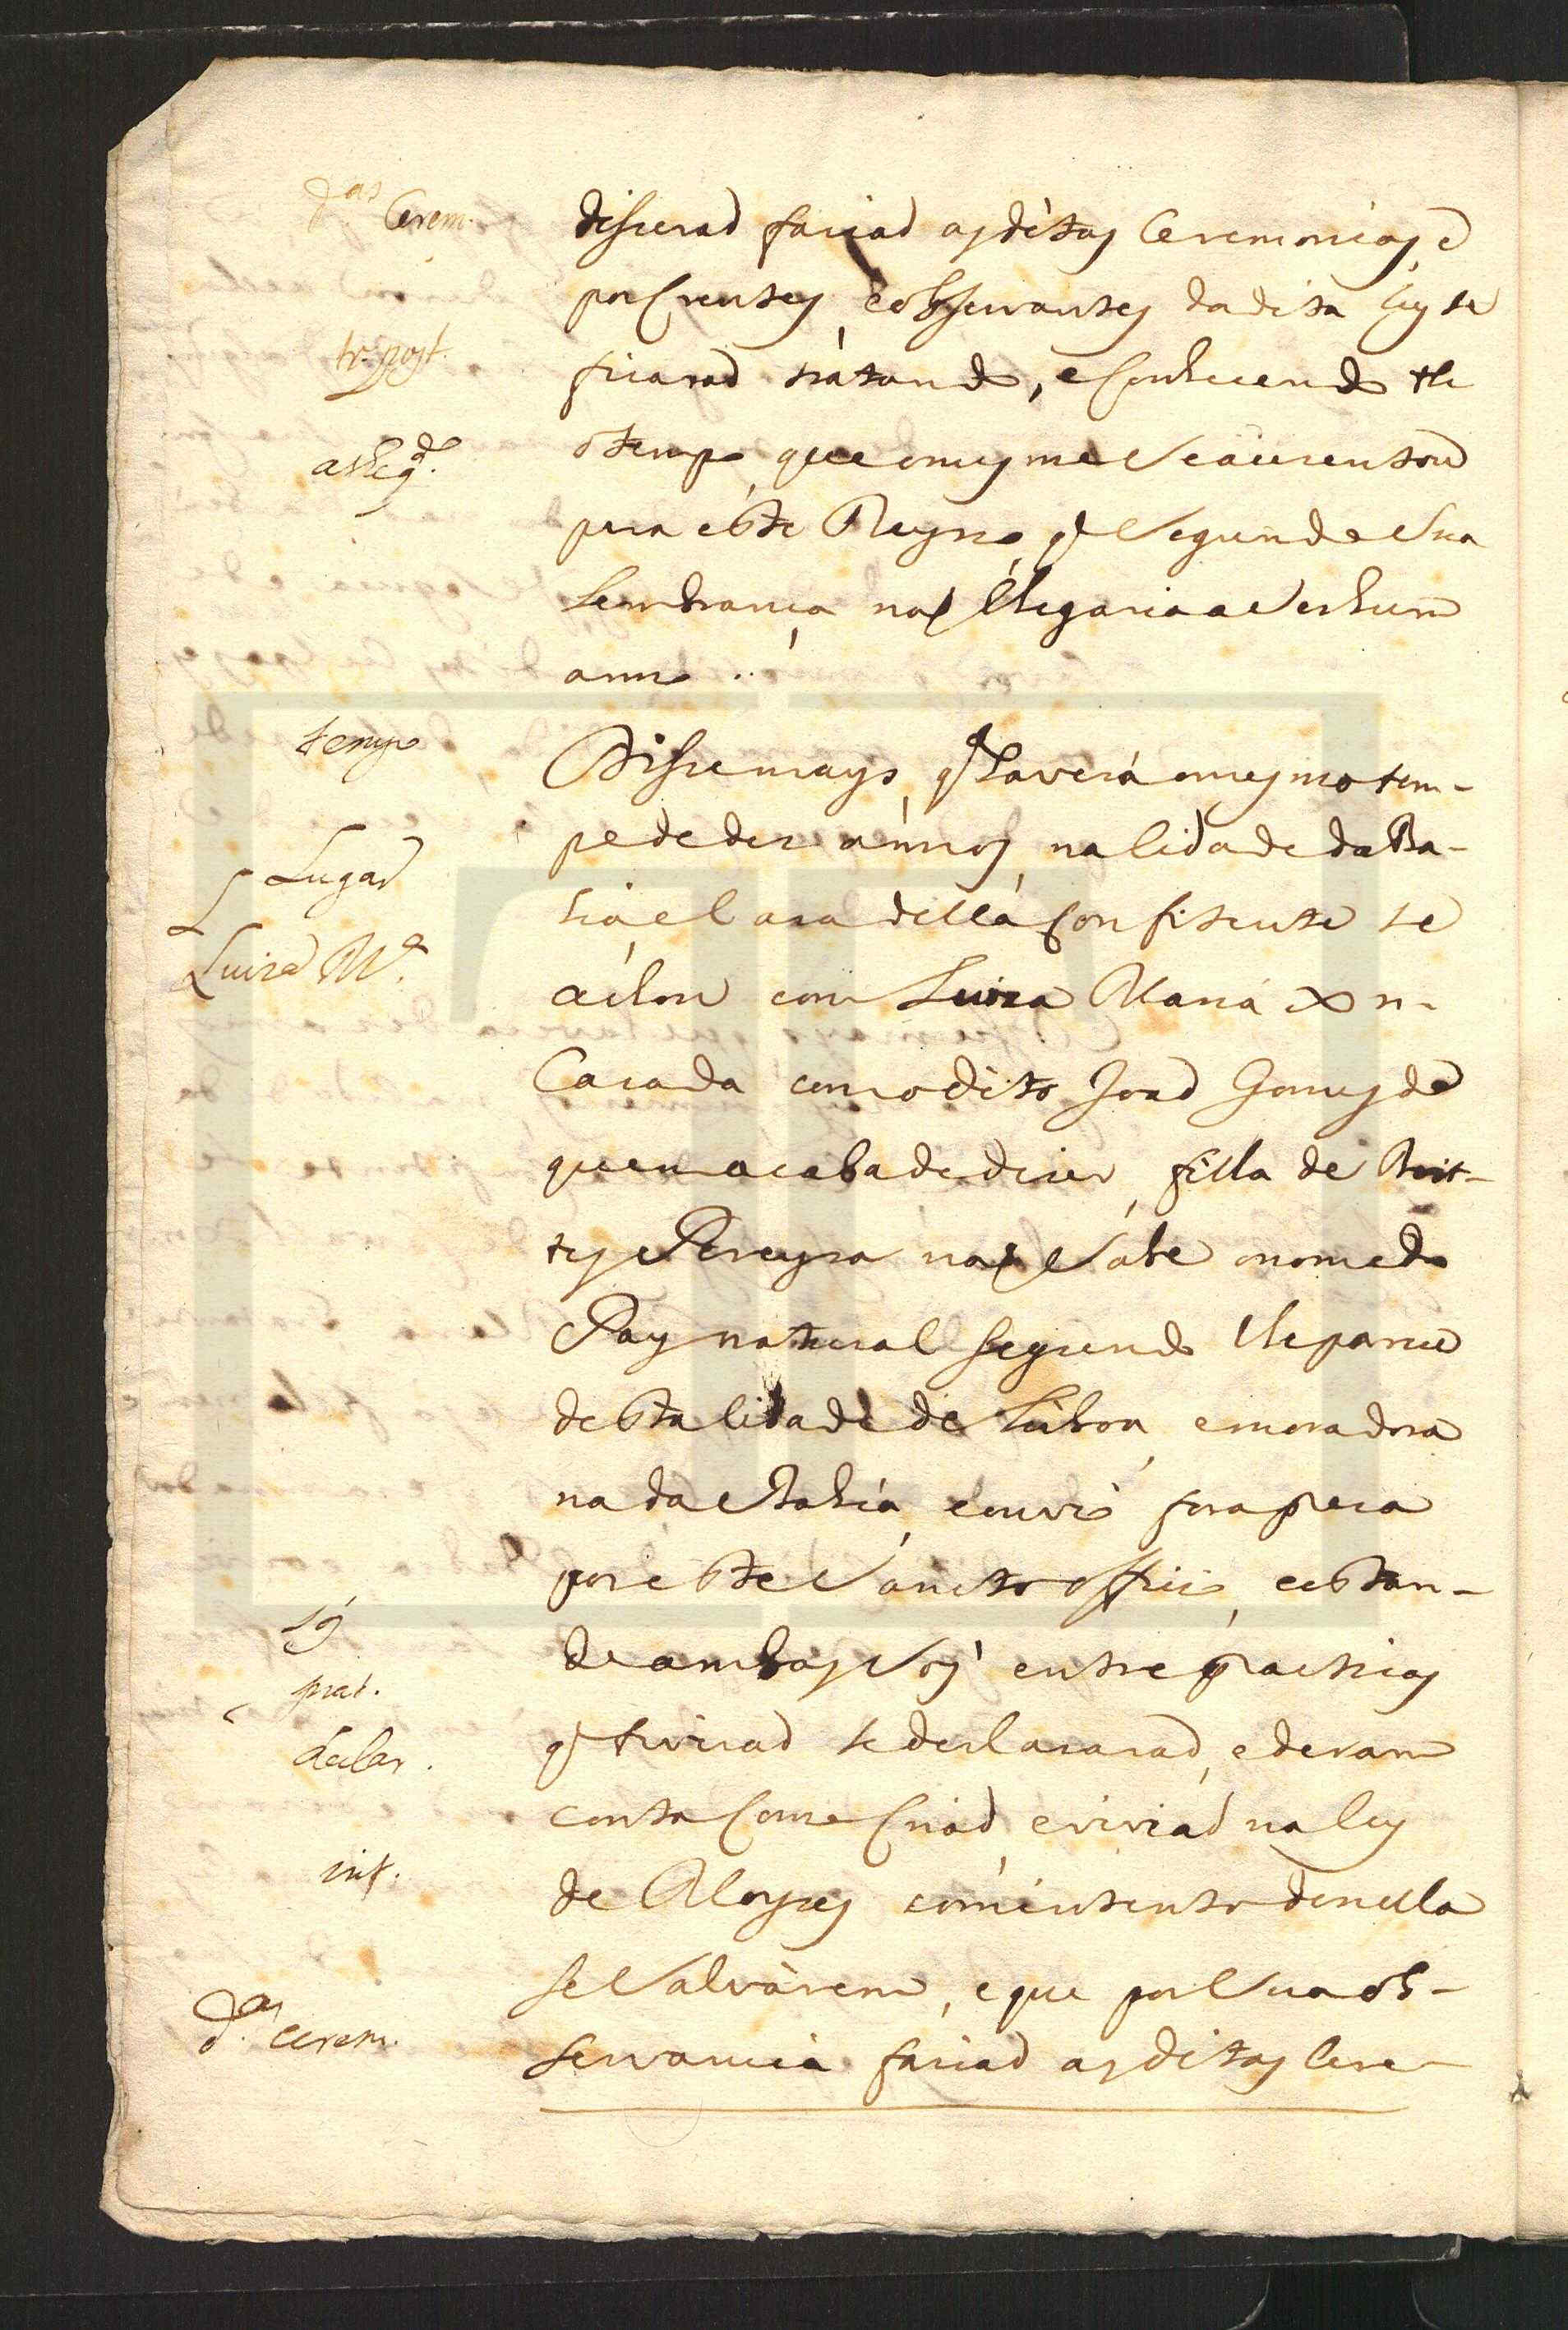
d.as Cerem.
tr. post.
athe q.do
tempo
Lugar
L
Luiza M.a
19
prat.
declar.
int.
d.as cerem.
diseraõ faziaõ as ditas ceremonias, e
por Crentes, e observantes da dita ley se
ficaraõ tratando, e Conhecendo the
o tempo que o mesmo se auzentou
pera este Reyno, q̄ segundo sua
lembrança naõ chegaria a ser hum
anno.
Disse mays, q̄ haverá o mesmo tem
po de dez annos, na cidade da Ba
hia e caza della Confitente se
achou com Luiza Maria x n.
Cazada com o dito Joaõ Gomes de
quem acaba de dizer, filha de Brit
tes Pereyra naõ sabe o nome do
Pay natural segundo lhe parece
desta cidade de Lisboa, e moradora
na da Bahia, e ouvio fora preza
por este Sancto officio, e estan
do ambos sós entre practicas
q̄ tiveraõ se declararaõ, e deram
conta Como Criaõ e viviaõ na ley
de Moyzes com intento de nella
se salvàrem, e que por sua ob
servancia faziaõ as ditas cere
